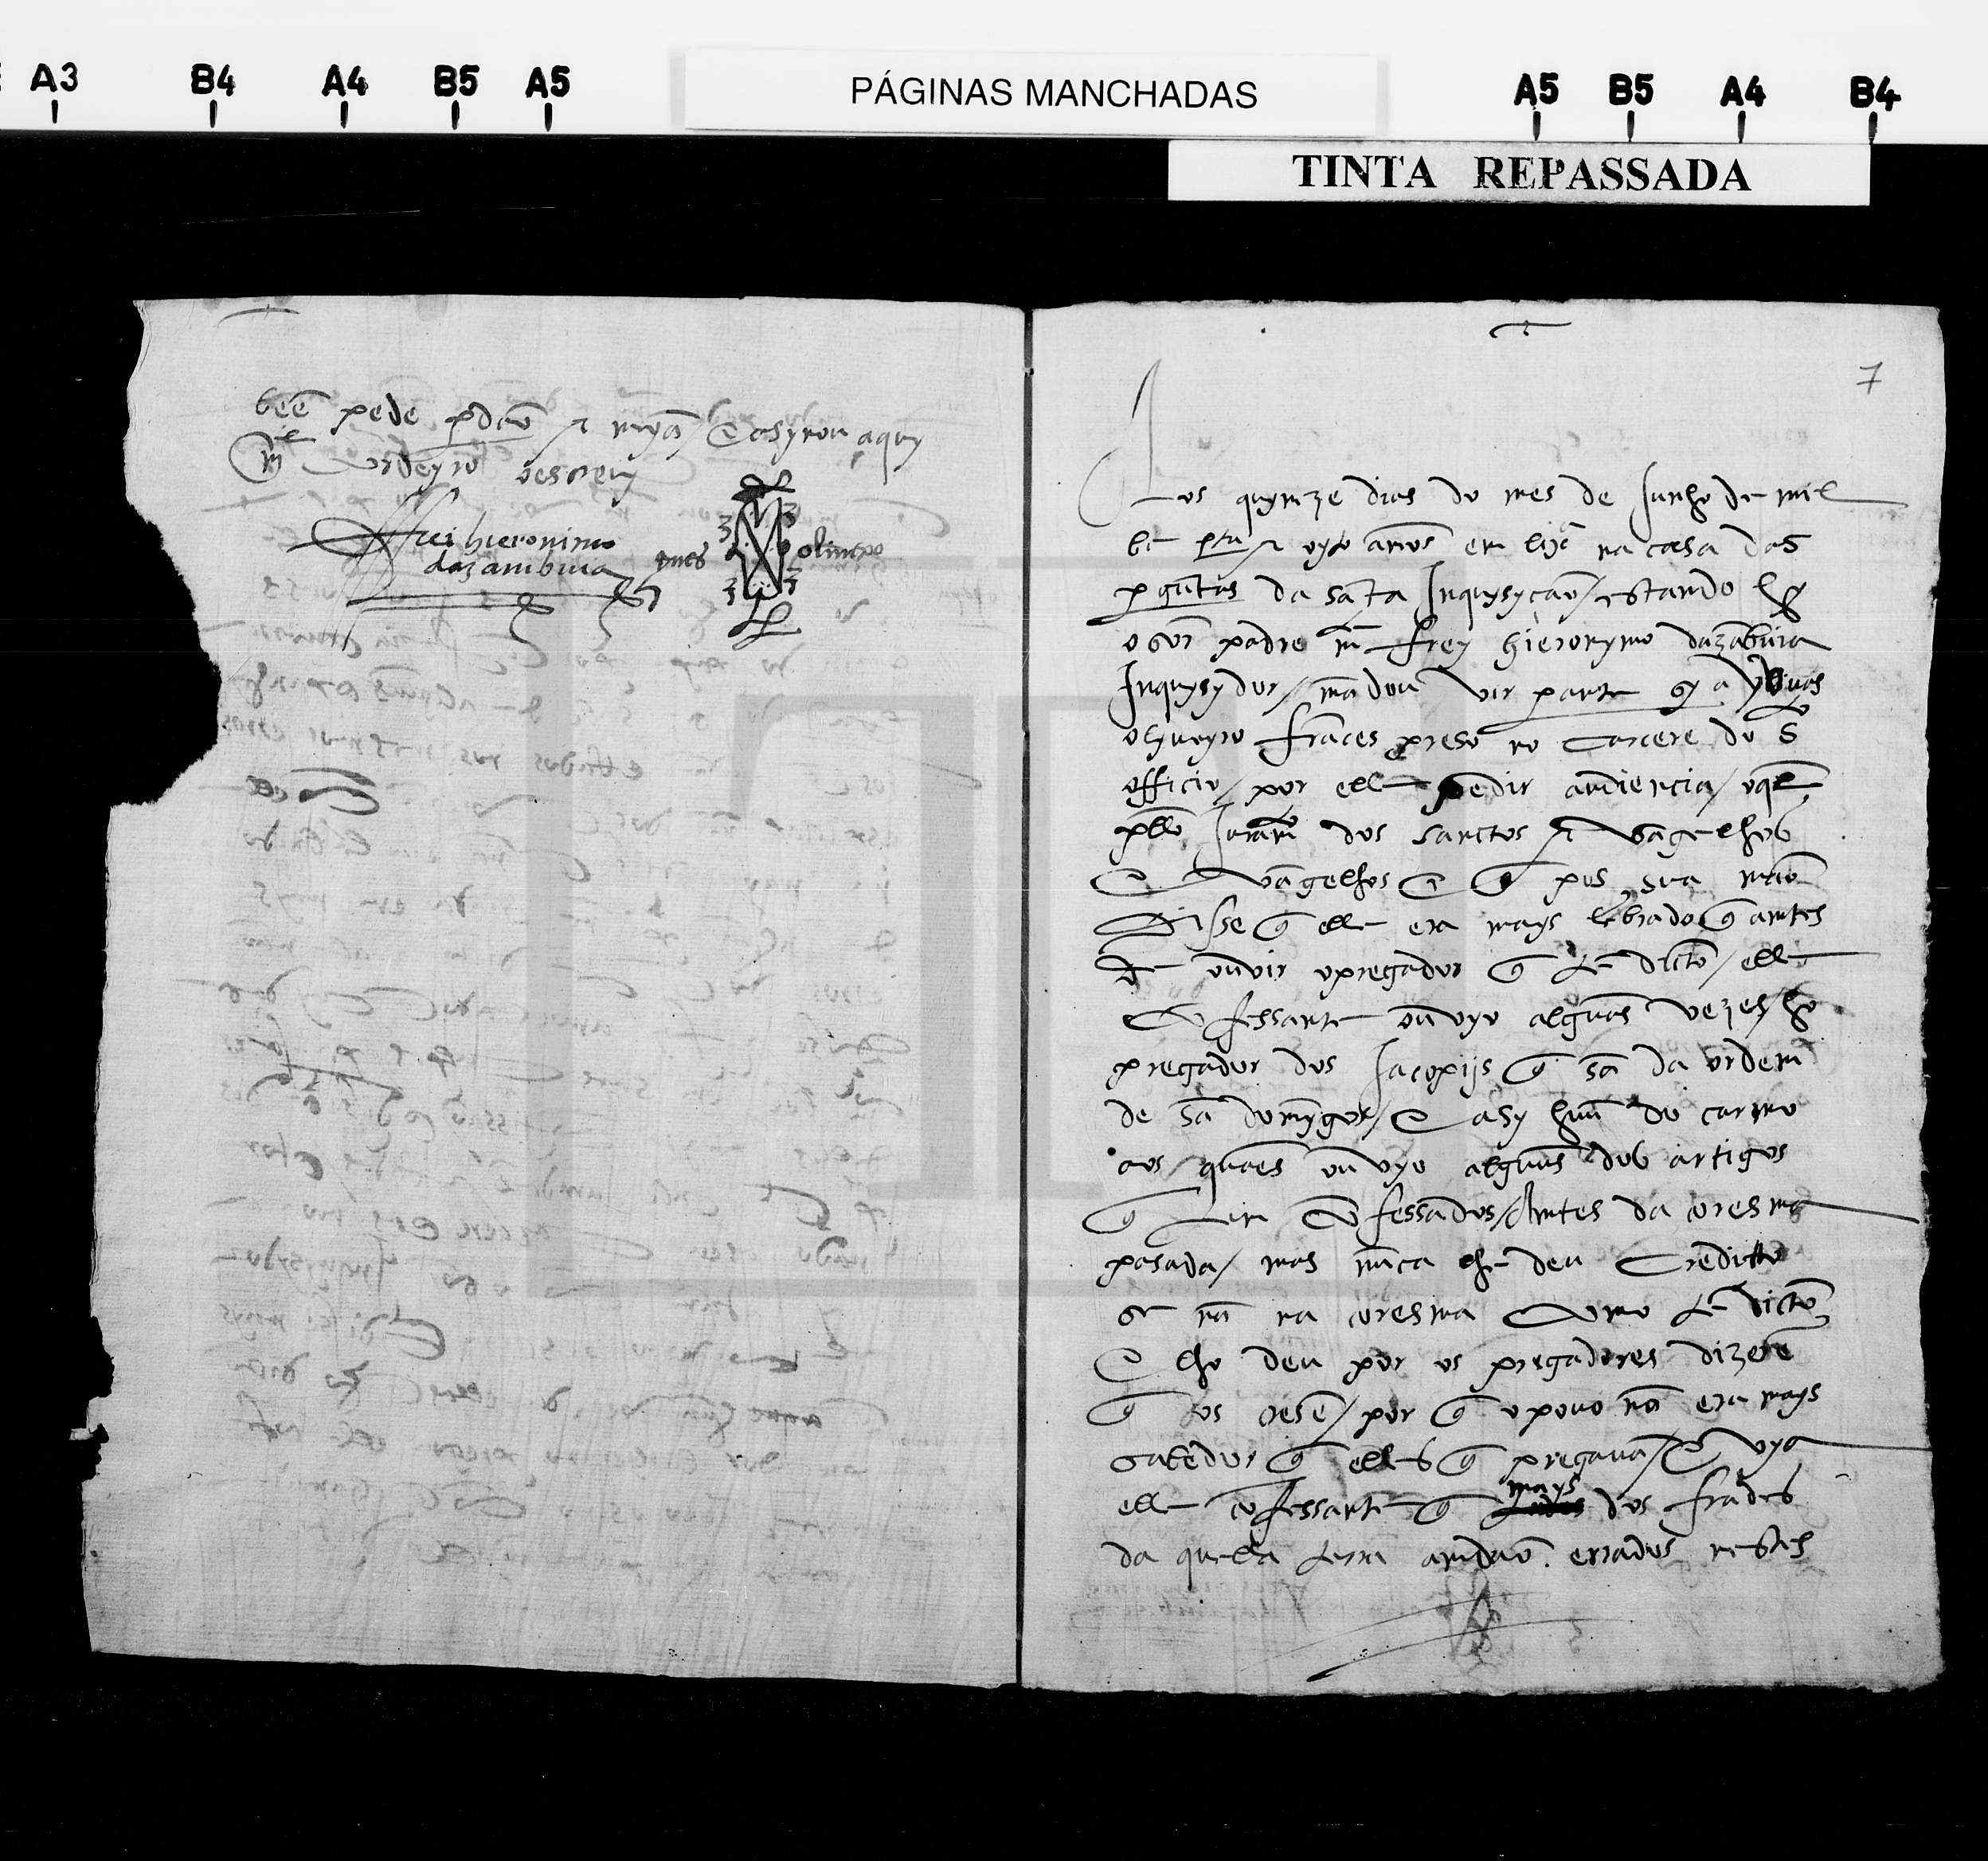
beē pēde ꝑdāo e myā e asynou aquy
mel cordeyro o escreuj
Aos quymze dias do mes de Junho de mil
frei hieronimo
bc Lta e oyto an̄os em lixa na casa das
dazambuia yues oliuro
ꝑ gu̅tas da sāta Jnquysyção / estando hy
o sōr padre mte frey hieronymo dazābuia
Jnquysydor / m̅adou vir ꝑante sy a yuas
olyueyro frāces preso no carcere do Sto
officio / por elle pedir audiencia / o q̄l
p̄llo Juramto dos sanctos eva̅gelhos
evāgelhos e̅ q̅ pos sua mão
disse q̅ elle era mays lēbrado q̄ amtes
de ouvir o pregador q̄ tē dicto / elle
co̅fessante ouvyo algu̅as vezes / ho
pregador dos Jacopijs q̅ s̅a da ordem
de sā dom̄ygos / e asy huū do carmo
aos quāes ouvyo alguūs dos artigos
q̅ tem co̅fessados / Amtes da coresma
pasada / mas nūca lhe deu Creditto
se nā na coresma Como tē dicto
e lho deu por os pregadores dizerē
q̄tos cresē / por q̄ o pouo nā era majs
sabedor q̄ elles q̄ pregauā / e vya
elle cōfessante q̄ mays dos frades
daquella terra amdaõ errados nestes
